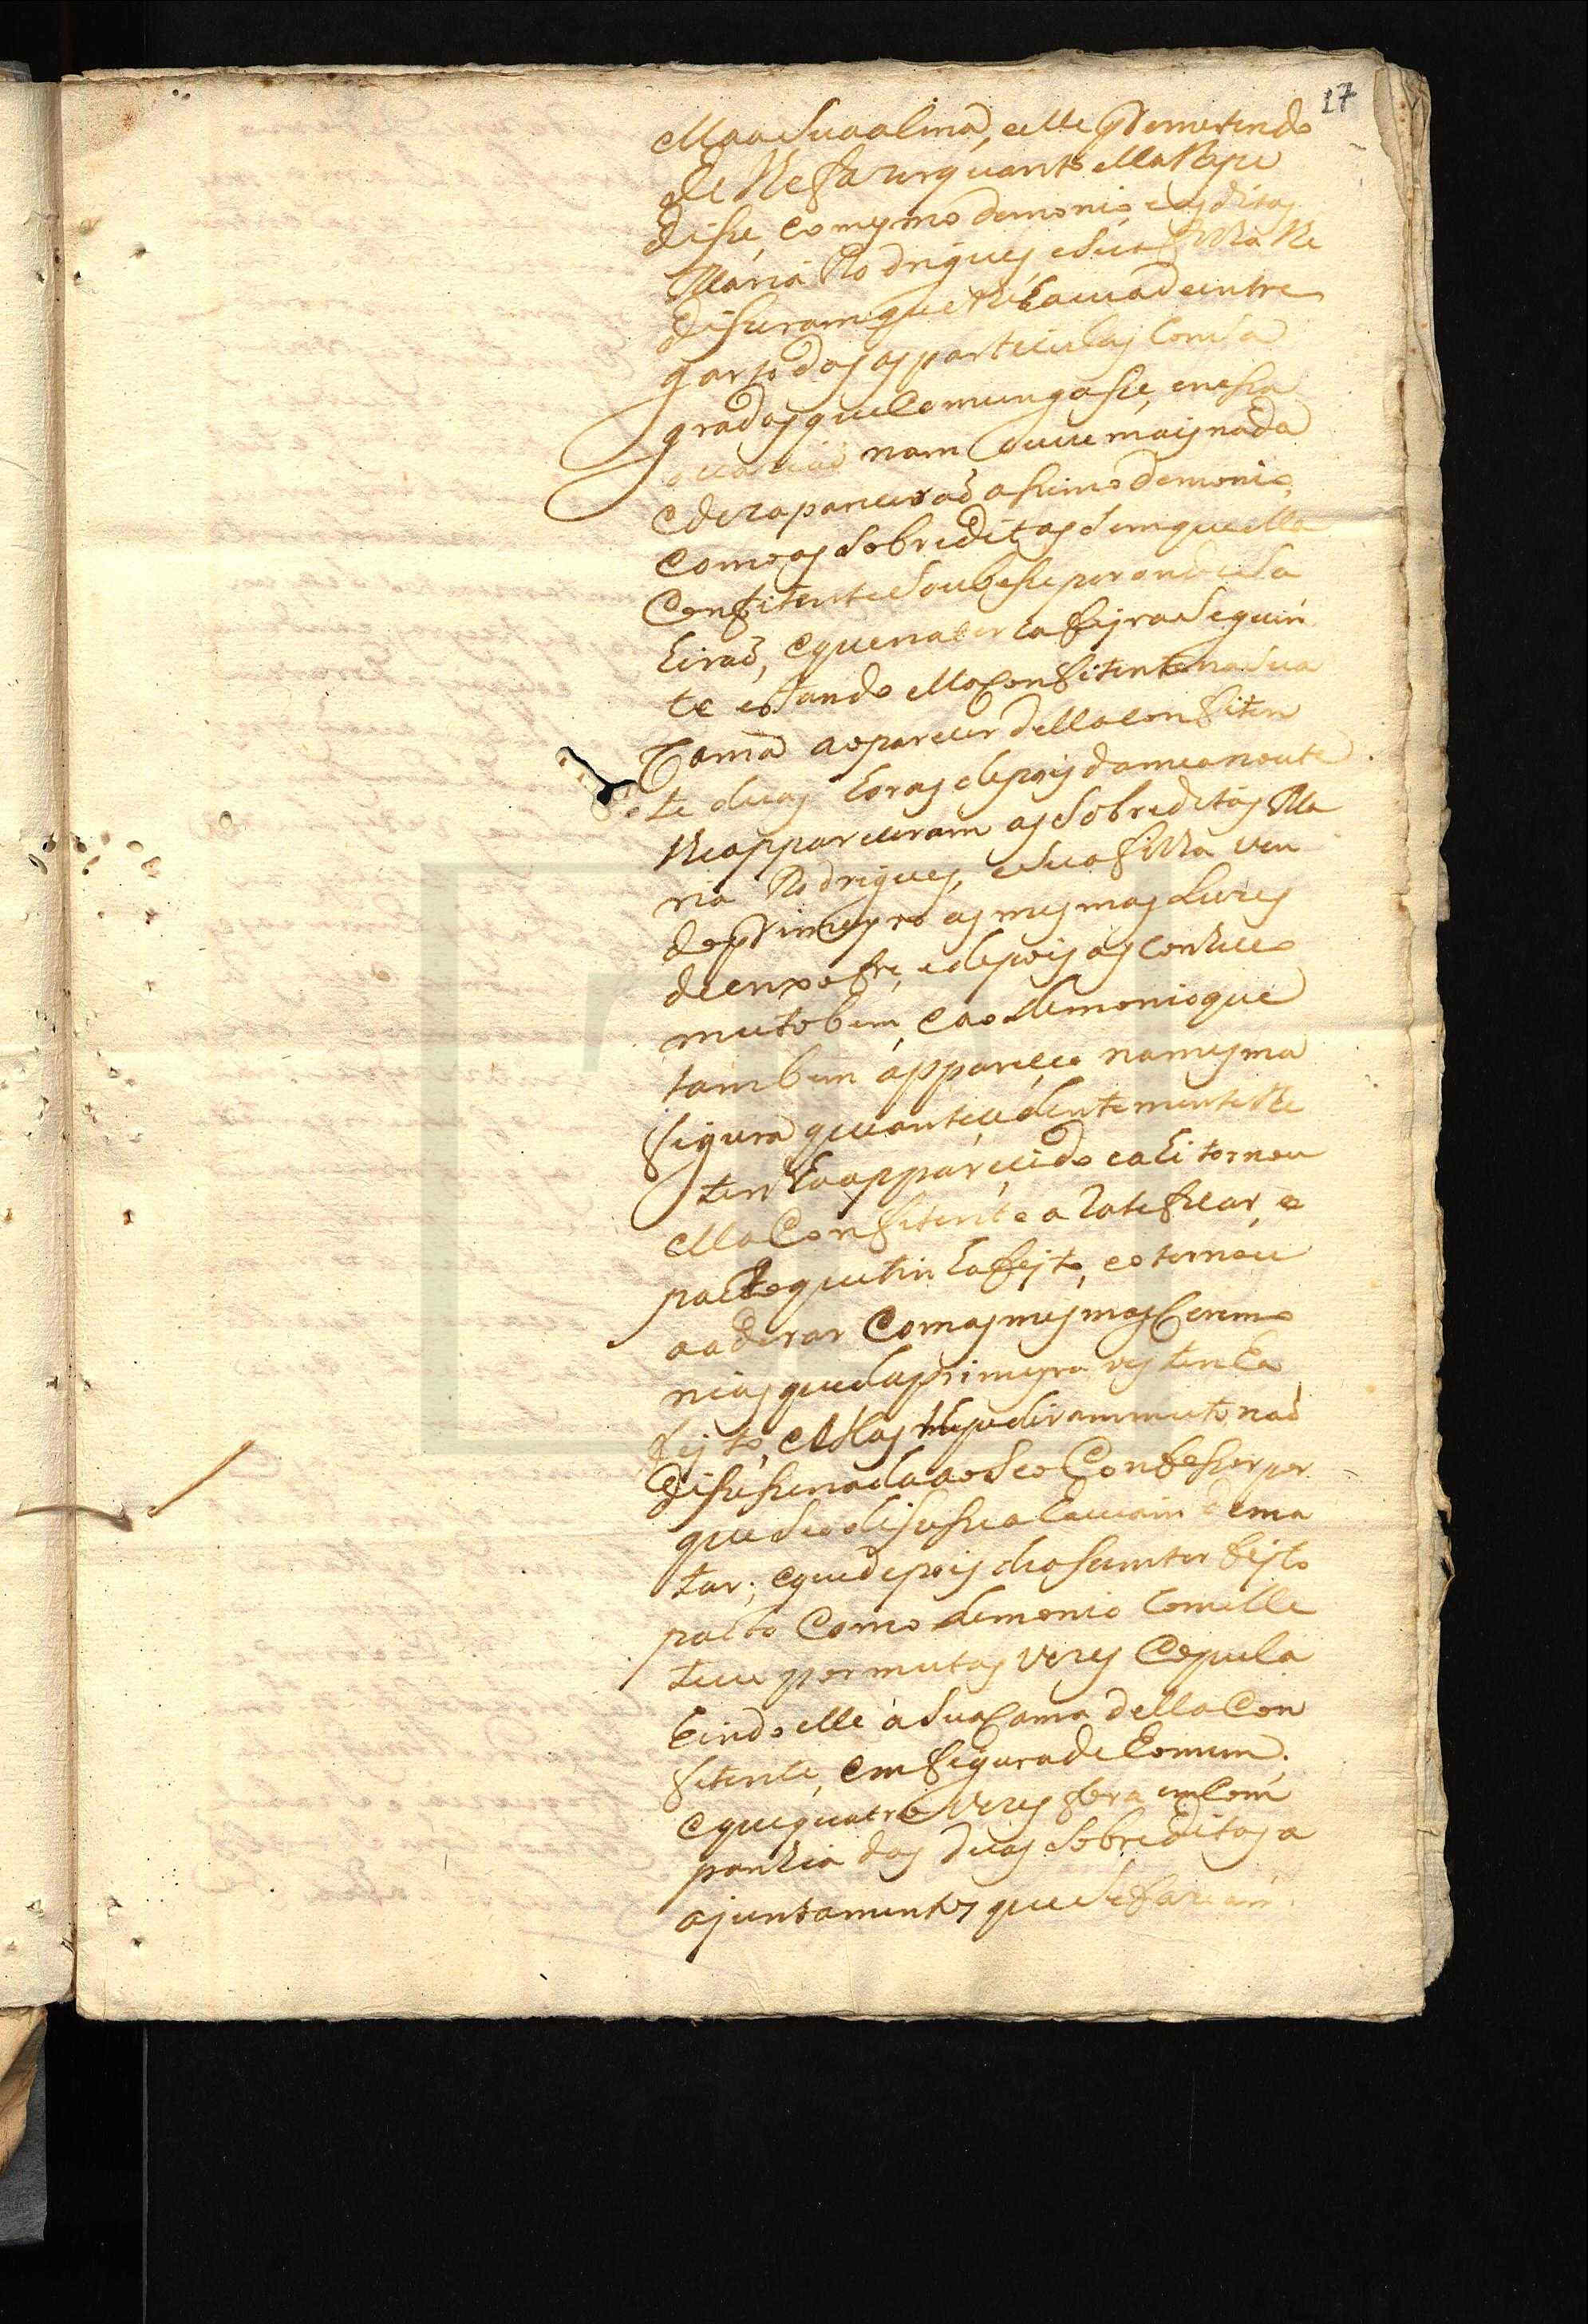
ella a Sua alma, e elle prometendo
de lhe fazer quanto ella lhe pe
disse, e o mesmo demonio, e as ditas
Maria Rodrigues, e sua filha lhe
disseram que lhe hauia de entre
gar todas as particulas comsa
gradas que comungasse, e nessa
occaziaõ nam ouue mais nada
e dezapareceraõ assim o demonio,
como as sobreditas sem que ella
Confitente Soubesse por onde Sa
hiraõ, e que na terca fejra seguin
te estando ella Confitente na sua
Cama ao parecer della confiten
te duas horas depois da mea noute
lhe appareceram as Sobreditas Ma
ria Rodrigues, e sua filha ven
do primeyro as mesmas Luzes
de enxofre, e depois as conheceo
muto bem, e ao Demonio que
tambem appareçeo na mesma
figura que anteçedentemente lhe
tinha appareçido e ahi tornou
ella Confitente a Rateficar, o
pacto que tinha fejto, e o tornou
a adorar Com as mesmas Ceremo
nias que da primeyra ves tinha
fejto, e ellas lhe pediram muito naõ
dissesse nada ao Seo Confessor por
que Se o dissesse a hauiam de ma
tar; e que depois de assim ter fejto
pacto com o demonio com elle
teue por mutas vezes copula
hindo elle a Sua Cama della con
fitente, em figura de homem;
e que quatro vezes fora em com
panhia das duas Sobreditas a
ajuntamentos que Se faziam
